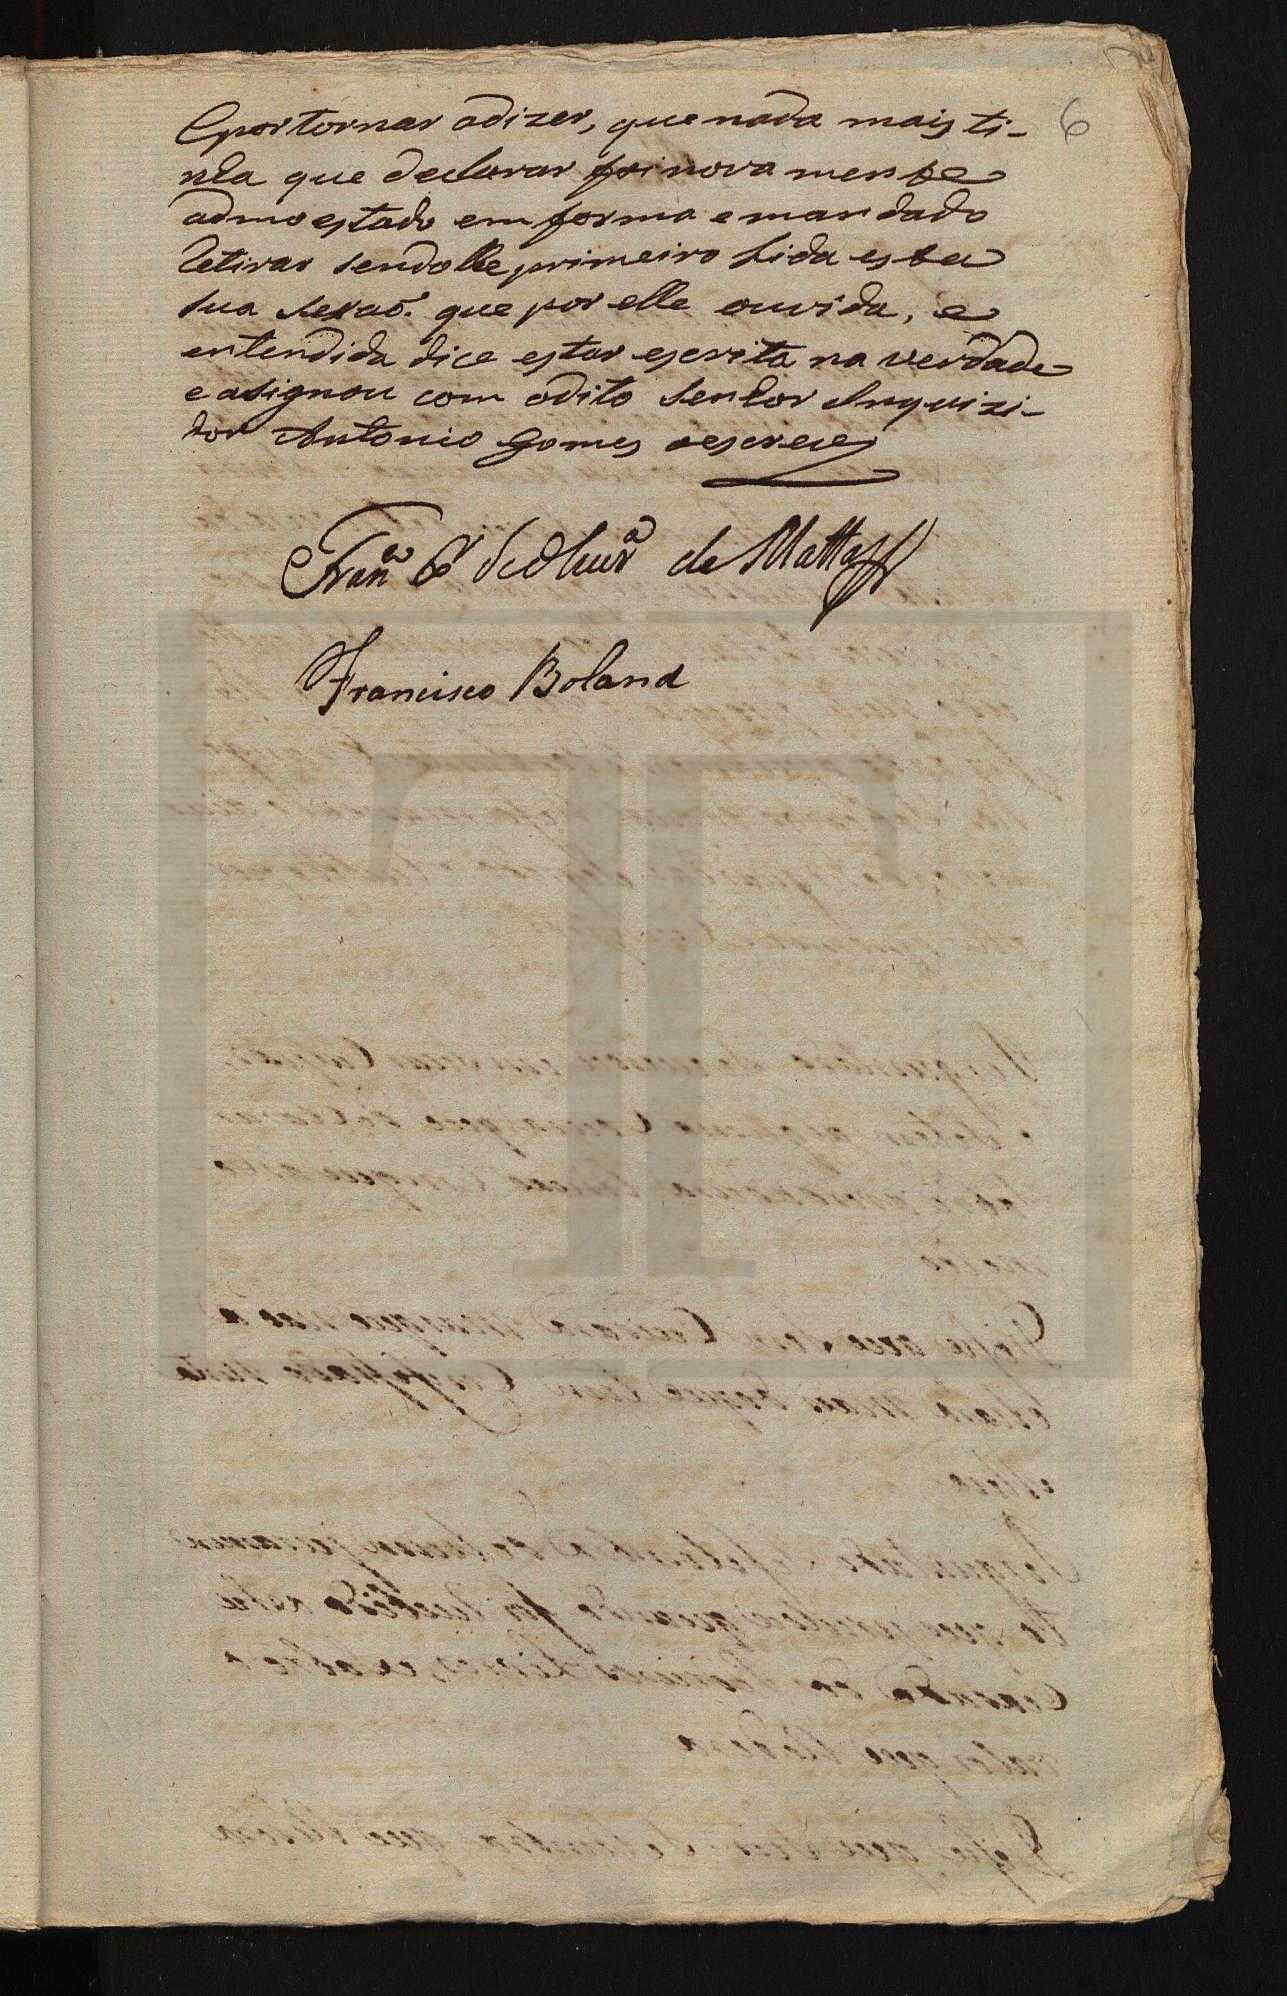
E por tornar a dizer, que nada mais ti
nha que declarar foi novamente
admoestado em forma e mandado
Retirar sendolhe primeiro Lida esta
sua sessaõ que por elle ouvida, e
entendida dice estar escrita na verdade
e asignou com o dito senhor Inquizi
dor Antonio Gomes a escrevj
Fran.co X.r de Oliv.a da Matta
Francisco Boland
